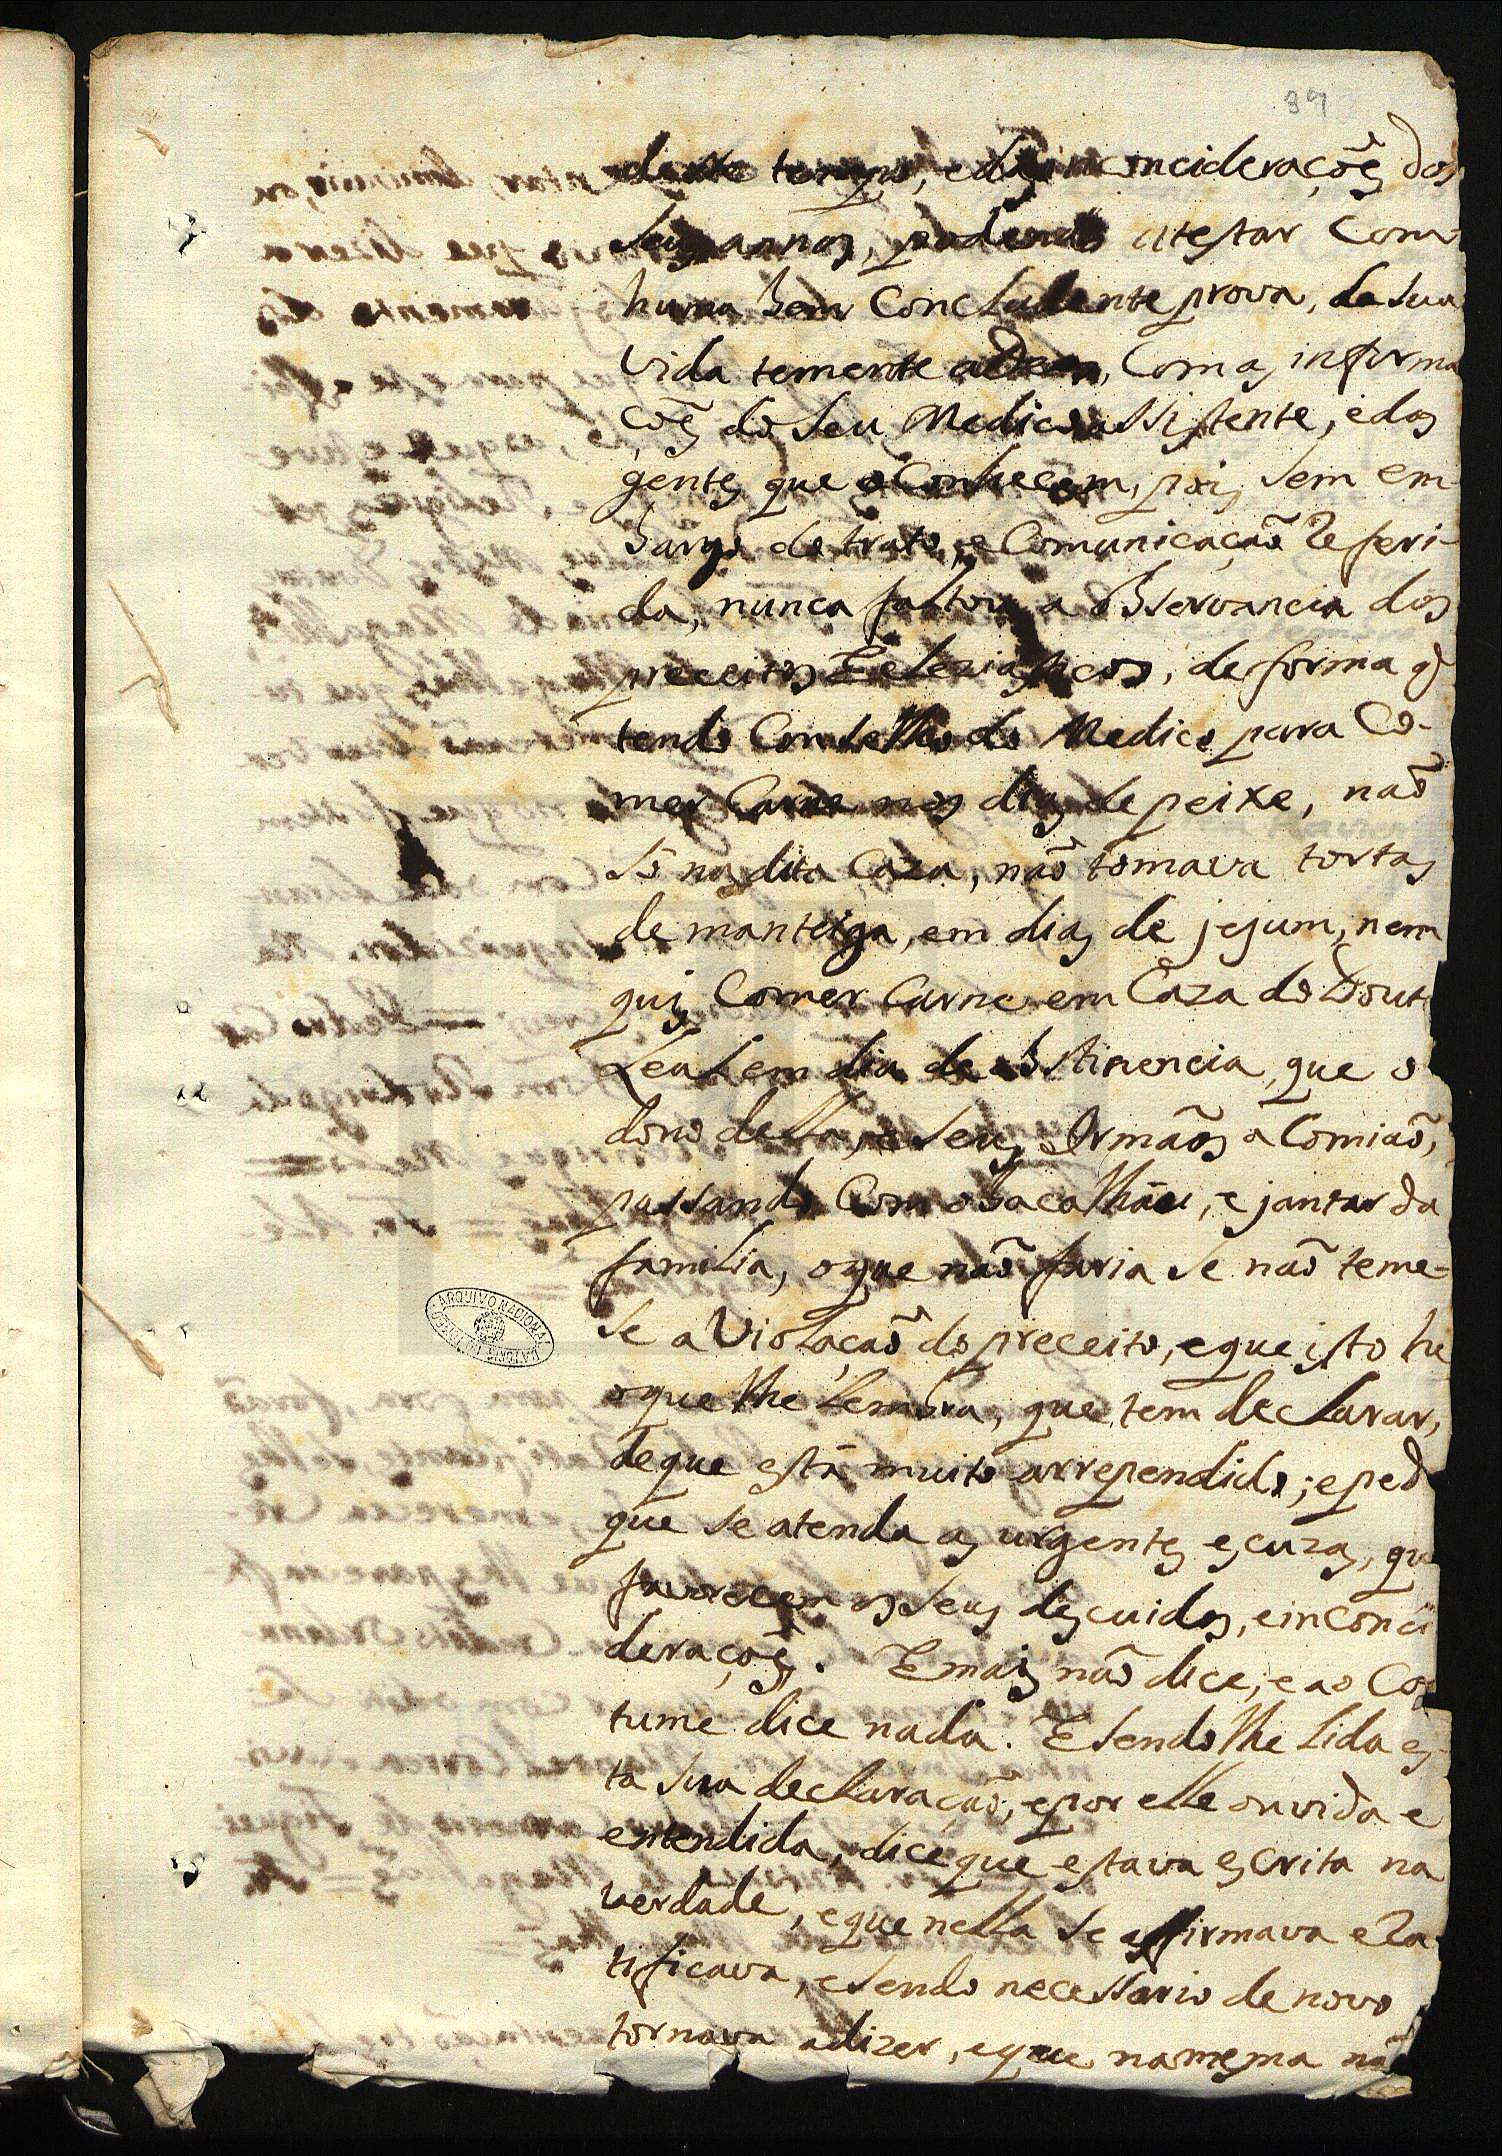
deste tempo, e da
inconcideraçoẽs dos
seis annos, podendo atestar com
huma bem concludente prova, da sua
vida temente a De_, Com as informa
çoẽs do seu Medico assistente, e das
gentes que o conhecem, pois sem em
bargo de trato, e comunicaçaõ Referi
da, nunca faltou a observancia dos
preceitos Ecleziasticos, de forma q̄
tendo Conselho do Medico para Co
mer Carne nos dias de peixe, naõ
só na dita Caza, naõ tomava tortas
de manteiga, em dias de jejum, nem
quis Comer Carne em Caza do Dout
LeaL em dia de abstinencia, que o
dono della, e seus Irmaõs a Comiaõ,
passando Com o bacalháu, e jantar da
familia, o que naõ faria se naõ teme
se a Violaçaõ do preceito, e que isto he
o que lhe lembra, que tem declarar,
de que está muito arrependido; e ped
que se atenda as urgentes escuzas, qu
favorecem os seus descuidos, e inconci
deraçoẽs. E mais naõ dice, e ao Cos
tume dice nada. E sendolhe lida es
ta sua declaraçaõ, e por elle ouvida e
entendida, dice que estava escrita na
verdade, e que nella se affirmava e Ra
tificava, e sendo necessario de novo
tornava a dizer, e que na mesma não
